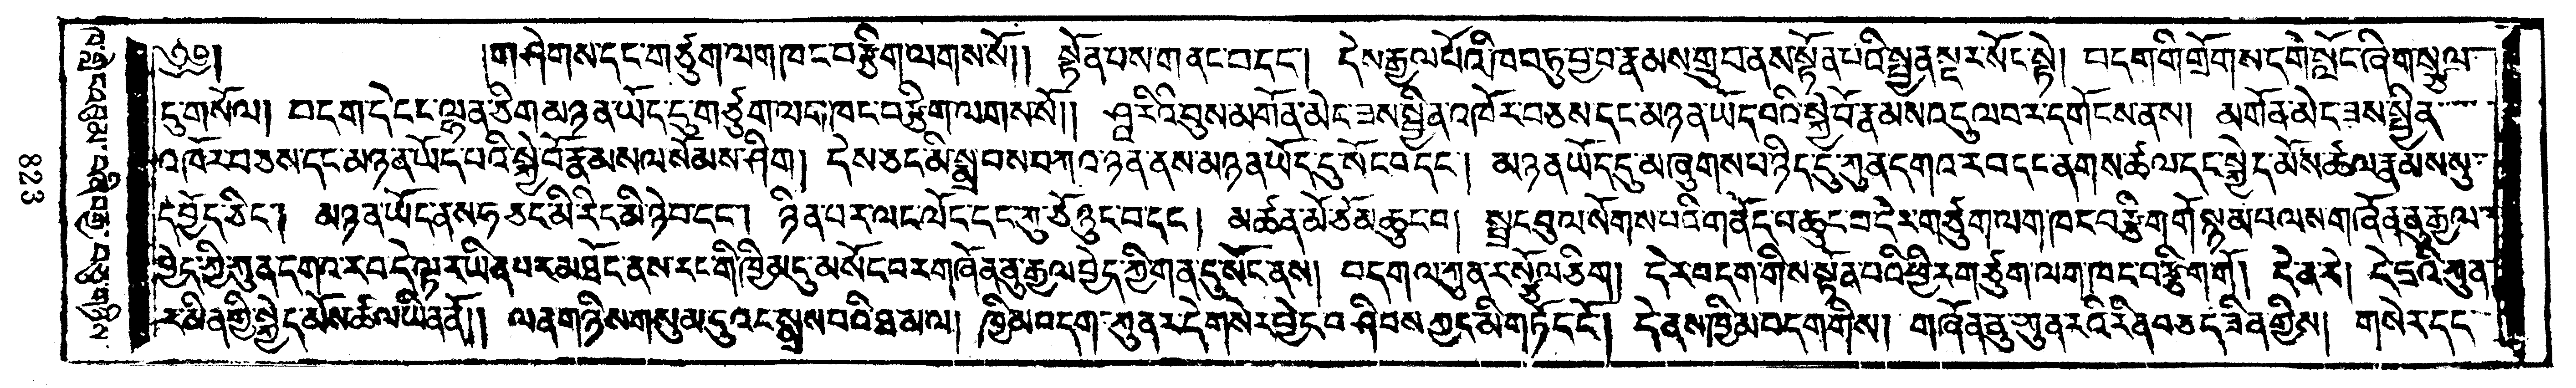༄༅། །གཤེགས་དང་གཙུག་ལག་ཁང་བརྩིག་ལགས་སོ།། སྟོན་པས་གནང་བ་དང་། དེས་རྒྱལ་པོའི་ཁབ་ཏུ་བྱ་བ་རྣམས་གྲུབ་ནས་སྟོན་པའི་སྤྱན་སྡར་སོང་སྟེ། བདག་གི་གྲོགས་དགེ་སློང་ཞིག་སྩལ་
དུ་གསོལ། བདག་དེ་ངང་ལྷན་ཅིག་མཉན་ཡོད་དུ་གཙུག་ལག་ཁང་བརྩིག་ལགས་སོ།། ཤཱ་རིའི་བུས་མགོན་མེད་ཟས་སྦྱིན་འཁོར་བཅས་དང་མཉན་ཡོད་བའི་སྐྱེ་བོ་རྣམས་འདུལ་བར་དགོངས་ནས། མགོན་མེད་ཟས་སྤྱིན་
འཁོར་བཅས་དང་མཉན་ཡོད་པའི་སྐྱེ་བོ་རྣམས་ལ་སོམས་ཤིག། དེས་ཅང་མི་སྨྲ་བས་བཀའ་ཉན་ནས་མཉན་ཡོད་དུ་སོང་བ་དང་། མཉན་ཡོད་དུ་མ་ཞུགས་པ་ཉིད་དུ་ཀུན་དགའ་རབ་དང་ནགས་ཚལ་དང་སྐྱེད་མོས་ཚལ་རྣམས་སུ་
དབྱོད་ཅིང་། མཉན་ཡོད་ནས་ཧ་ཅང་མི་རིང་མི་ཉེ་བ་དང་། ཉིན་པར་ལང་ལོང་དང་ཀུ་ཅོ་ཉུང་བ་དང་། མཚན་མོ་ཅོམ་ཆུང་བ། སྦྲང་བུ་ལ་སོགས་པའི་གནོད་པ་ཆུང་བ་དེར་གཙུག་ལག་ཁང་བརྩིག་གོ་སྙམ་པ་ལས་གཞོན་ནུ་རྒྱལ་
བྱེད་ཀྱི་ཀུན་དགའ་རབ་དེ་ལྟར་ཡིན་པར་མཐོང་ནས་རང་གི་ཁྱིམ་དུ་མ་སོང་བར་གཞོན་ནུ་རྒྱལ་བྱེད་ཀྱི་གན་དུ་སོང་ནས། བདག་ལ་ཀུན་ར་སྩོལ་ཅིག། དེར་བདག་གིས་སྟོན་པའི་ཕྱིར་གཙུག་ལག་ཁང་བརྩིག་གོ། དེ་ན་རེ། དེ་དྲའི་ཀུན་
ར་མིན་གྱི་སྐྱེད་མོས་ཚལ་ཡིན་ནོ།། ལན་གཉིས་གསུམ་དུའང་སྨྲས་བའི་ཐ་མ་ལ། ཁྱིམ་བདག་ཀུ་ནར་དེ་གསེར་བྱེད་བཤིབས་ཀྱང་མི་གཏོང་ངོ། དེ་ནས་ཁྱིམ་བདག་གིས། གཞོན་ནུ་ཀུན་རའི་རིན་བཅད་ཟིན་གྱིས། གསེར་དང་